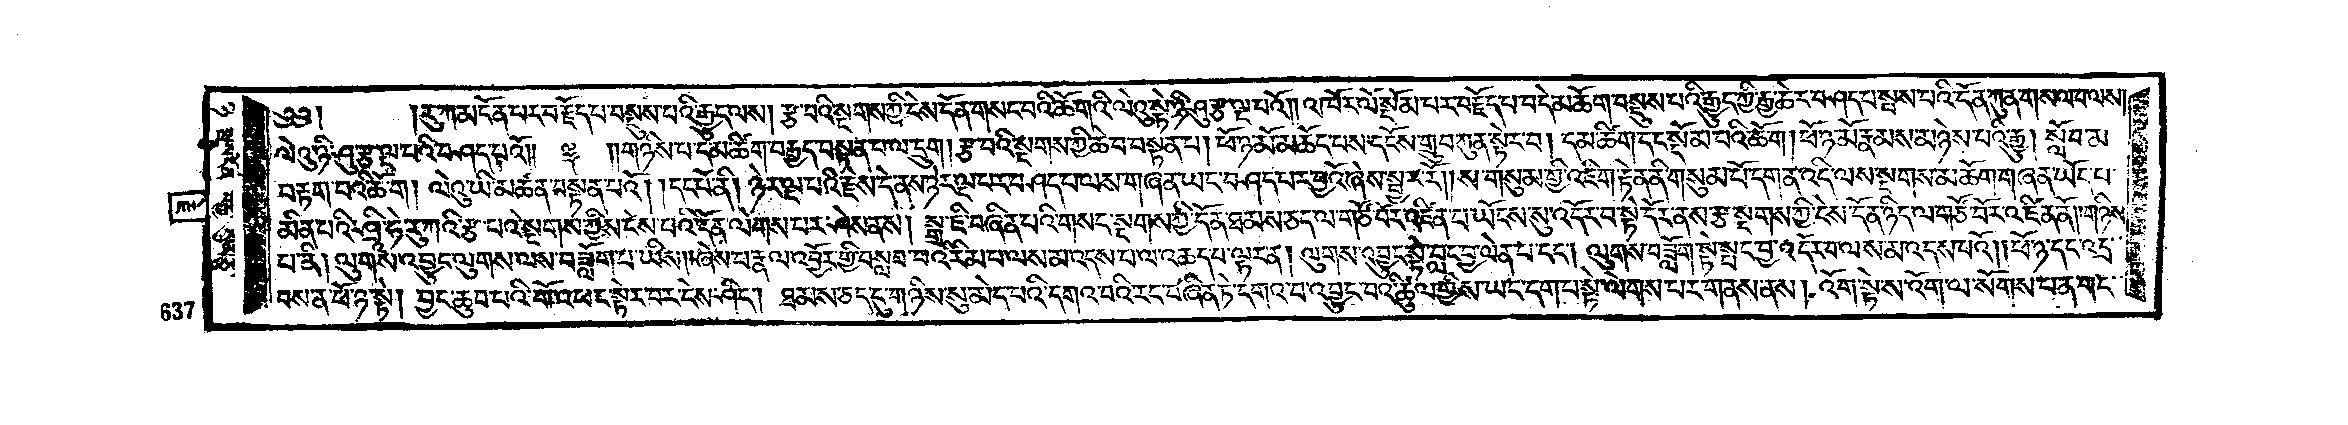༄༅། །རུ་ཀ་མངོན་པར་བརྗོད་པ་བསྡུས་པའི་རྒྱུད་ལས། རྩ་བའི་སྔགས་ཀྱི་ངེས་དོན་གསང་བའི་ཆོ་གའི་ལེའུ་སྟེ་ཉི་ཤུ་རྩ་ལྔ་པའོ། །འཁོར་ལོ་སྡོམ་པར་བརྗོད་པ་བདེ་མཆོག་བསྡུས་པའི་རྒྱུད་ཀྱི་རྒྱ་ཆེར་བཤད་པ་སྦས་པའི་དོན་ཀུན་གསལ་བ་ལས།
ལེའུ་ཉི་ཤུ་རྩ་ལྔ་པའི་བཤད་པའོ།། ༈ །།གཉིས་པ་དམ་ཚིག་བརྒྱད་བསྟན་པ་ལ་དྲུག །རྩ་བའི་སྔགས་ཀྱི་ཆེ་བ་བསྟན་པ། ཕོ་ཉ་མོ་མཆོད་པས་དངོས་གྲུབ་ཀུན་སྟེར་བ། དམ་ཚིག་དང་སྡོམ་པའི་ཆོ་ག །ཕོ་ཉ་མོ་རྣམས་མཉེས་པའི་རྒྱུ། སློབ་མ་
བརྟག་པའི་ཆོ་ག །ལེའུ་ཡི་མཚན་བསྟན་པའོ། །དང་པོ་ནི། ཉེར་ལྔ་པའི་རྗེས་དེ་ནས་ཉེར་ལྔ་པར་བཤད་པ་ལས་གཞན་ཡང་བཤད་པར་བྱའོ་ཞེས་སྦྱར་རོ། །ས་གསུམ་གྱི་འཇིག་རྟེན་ནི་གསུམ་པོ་དག་ན་འདི་ལས་སྔགས་མཆོག་གཞན་ཡོད་པ་
མིན་པའི་ཤྲཱི་ཧེ་རུ་ཀའི་རྩ་པའི་སྔགས་ཀྱིས་ངེས་པའི་དོན་ལེགས་པར་ཤེས་ནས། སྒྲ་ཇི་བཞིན་པའི་གསང་སྔགས་ཀྱི་དོན་ཐམས་ཅད་ལ་གཙོ་བོར་འཛིན་པ་ཡོངས་སུ་འདོར་བ་སྟེ་དོར་ནས་རྩ་སྔགས་ཀྱི་ངེས་དོན་ཉིད་ལ་གཙོ་བོར་འཛིན་ནོ། །གཉིས་
པ་ནི། ལུགས་འབྱུང་ལུགས་ལས་བཟློག་པ་ཡིས། །ཞེས་པ་རྣལ་འབྱོར་གྱི་བསླབ་པའི་རིམ་པ་ལས་མ་འདས་པ་ལ་འཆད་པ་ལྟར་ན། ལུགས་འབྱུང་སྟེ་བླང་བྱ་ལེན་པ་དང་། ལུགས་བཟློག་སྟེ་སྤང་བྱ་འདོར་བ་ལས་མ་འདས་པའོ། །ཕོ་ཉ་དང་འདྲ་
བས་ན་ཕོ་ཉ་སྟེ། བྱང་ཆུབ་པའི་གོ་འཕང་སྟེར་བར་ངེས་ཤིང་། ཐམས་ཅད་དུ་གཉིས་སུ་མེད་པའི་དགའ་བའི་རང་བཞིན་ཏེ་དགའ་བ་འབྱུང་བའི་ཚུལ་གྱིས་ཡང་དག་པ་སྟེ་ལེགས་པར་གནས་ནས། འོག་སྟེ་ས་འོག་ལ་སོགས་པ་ན་གང་